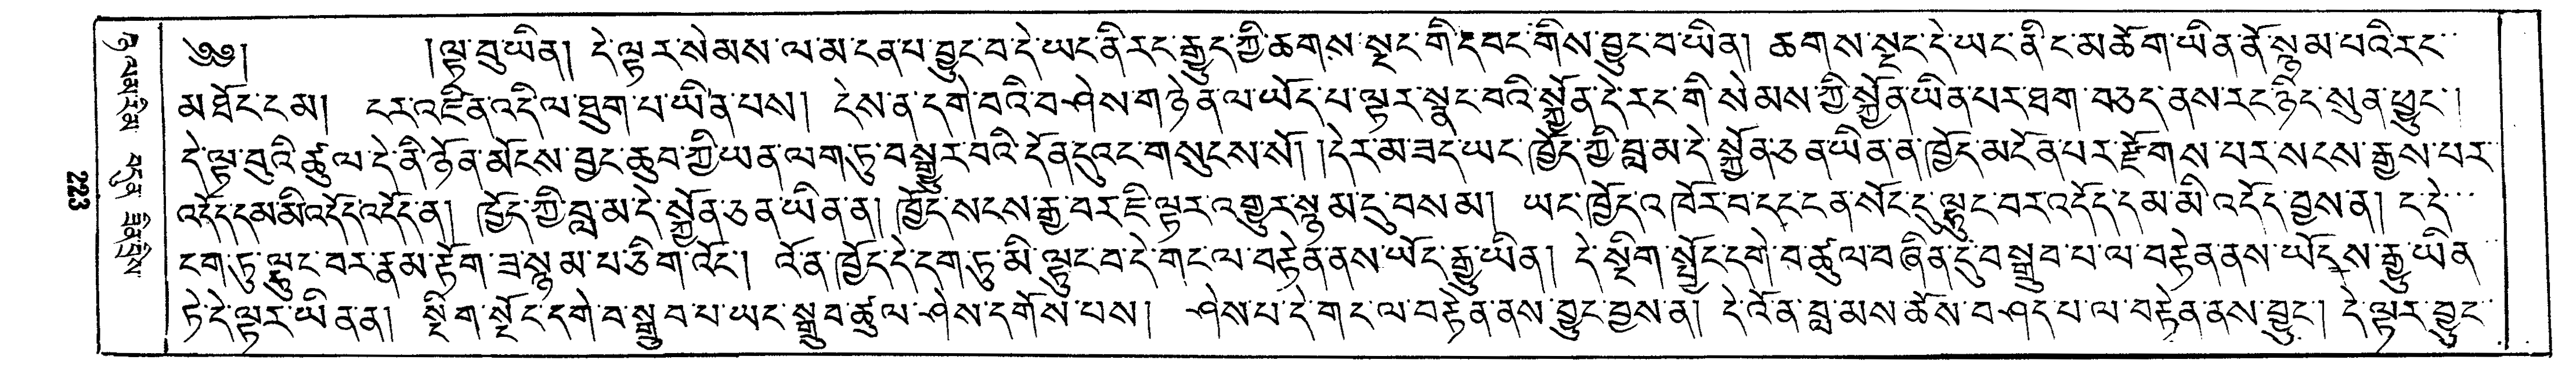༄༅། །ལྟ་བུ་ཡིན། དེ་ལྟར་སེམས་ལ་མ་ངན་པ་བྱུང་བ་དེ་ཡང་ནི་རང་རྒྱུད་ཀྱི་ཆགས་སྡང་གི་དབང་གིས་བྱུང་བ་ཡིན། ཆགས་སྡང་དེ་ཡང་ནི་ང་མཆོག་ཡིན་ནོ་སྙམ་པའི་རང་
མཐོང་ངམ། དར་འཛིན་འདི་ལ་ཐུག་པ་ཡིན་པས། དེས་ན་དགེ་བའི་བཤེས་གཉེན་ལ་ཡོད་པ་ལྟར་སྣང་བའི་སྐྱོན་དེ་རང་གི་སེམས་ཀྱི་སྐྱོན་ཡིན་པར་ཐག་བཅད་ནས་རང་ཉིད་སུན་ཕྱུང་།
དེ་ལྟ་བུའི་ཚུལ་དེ་ནི་ཉོན་མོངས་བྱང་ཆུབ་ཀྱི་ཡན་ལག་ཏུ་བསྒྱུར་བའི་དོན་དུ་འང་གསུངས་སོ། །དེར་མ་ཟད་ཡང་ཁྱོད་ཀྱི་བླ་མ་དེ་སྐྱོན་ཅན་ཡིན་ན་ཁྱོད་མངོན་པར་རྫོགས་པར་སངས་རྒྱས་པར་
འདོད་དམ་མི་འདོད་འདོད་ན། ཁྱོད་ཀྱི་བླ་མ་དེ་སྐྱོན་ཅན་ཡིན་ན། ཁྱོད་སངས་རྒྱས་བར་ཇི་ལྟར་འགྱུར་སྙམ་དུ་བསམ། ཡང་ཁྱོད་འཁོར་བ་དང་ངན་སོང་དུ་ལྟུང་བར་འདོད་དམ་མི་འདོད་བྱས་ན། ང་དེ་
དག་ཏུ་ལྟུང་བར་རྣམ་རྟོག་ཟ་སྙམ་བ་ཅིག་འོང་། འོ་ན་ཁྱོད་དེ་དག་ཏུ་མི་ལྟུང་བ་དེ་གང་ལ་བརྟེན་ནས་ཡོད་རྒྱུ་ཡིན། དེ་སྡིག་སྤོང་དགེ་བ་ཚུལ་བཞིན་དུ་བསྒྲུབ་པ་ལ་བརྟེན་ནས་ཡོངས་རྒྱུ་ཡིན་
ཏེ་དེ་ལྟར་ཡིན་ན། སྡིག་སྡོང་དགེ་བ་སྒྲུབ་པ་ཡང་སྒྲུབ་ཚུལ་ཤེས་དགོས་པས། ཤེས་པ་དེ་གང་ལ་བརྟེན་ནས་བྱུང་བྱས་ན། དེ་འོ་ན་བླ་མས་ཆོས་བཤད་བ་ལ་བརྟེན་ནས་བྱུང་། དེ་ལྟར་བྱུང་